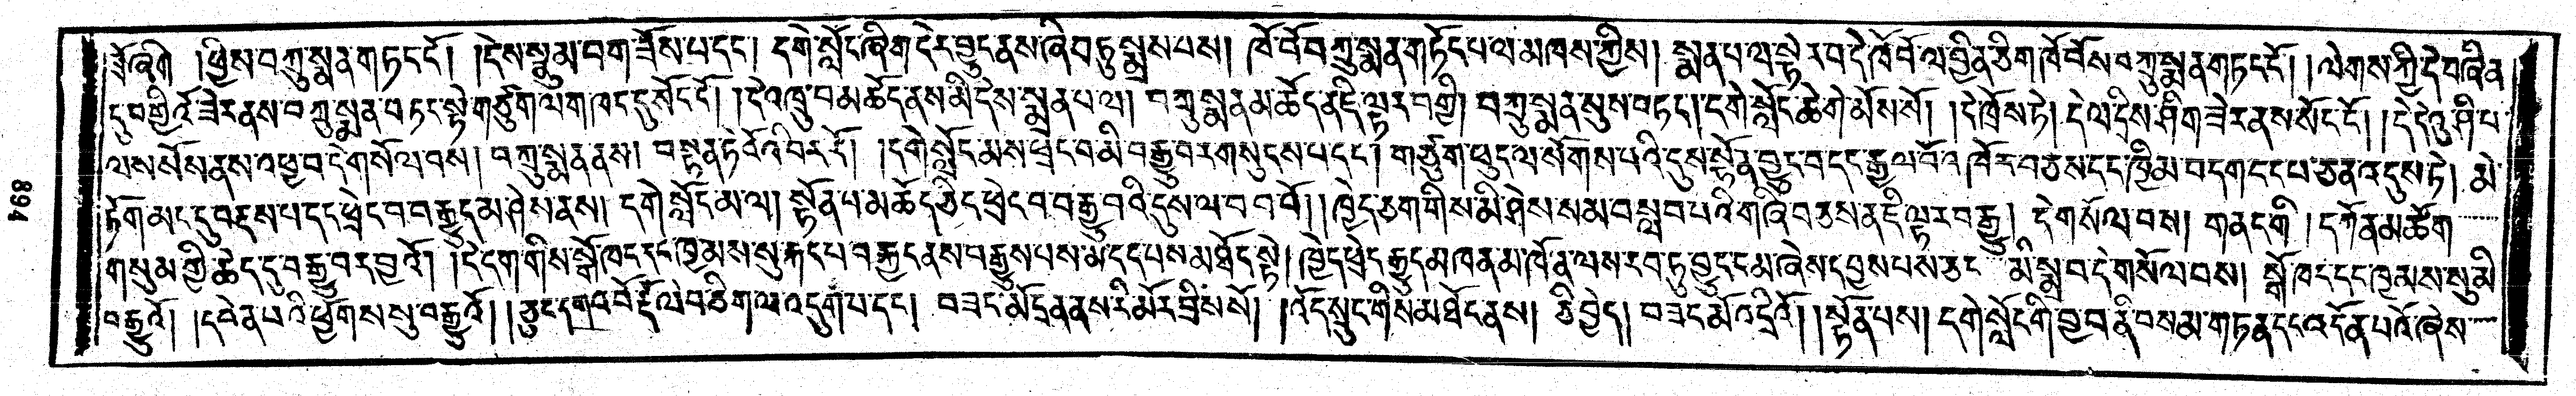ཟོ་ཞིག །ཕྱིས་བཀྲུ་སྨན་གཏང་ངོ། །དེས་སྣུམ་བག་ཟོས་པ་དང་། དགེ་སློང་ཞིག་དེར་བྱུང་ནས་ཞི་བཏུ་སྨྲས་པས། ཁོ་བོ་བཀྲུ་སྨན་གཏོང་པ་ལ་མཁས་ཀྱིས། སྨན་པ་ལ་སྟེར་བ་དེ་ཁོ་བོ་ལ་བྱིན་ཅིག་ཁོ་བོས་བཀྲུ་སྨན་གཏང་ངོ། །ལེགས་ཀྱི་དེ་བཞིན་
དུ་བགྱིའོ་ཟེར་ནས་བཀྲུ་སྨན་བཏང་སྟེ་གཙུག་ལག་ཁང་དུ་སོང་ངོ། །དེ་འཁྲུ་བ་མཆོད་ནས་མི་དེས་སྨྲན་པ་ལ། བཀྲུ་སྨན་མ་ཆོད་ན་ཇི་ལྟར་བགྱི། བཀྲུ་སྨན་སུས་བཏང་། དགེ་སློང་ཆེ་གེ་མོས་སོ། །དེ་ཁྲོས་ཏེ། དེ་ལ་དྲིས་ཤིག་ཟེར་ནས་སོང་ངོ། །དེ་དེའུ་ཤི་པ་
ལས་སོས་ནས་འཕྱ་བ་དེ་གསོལ་བས། བཀྲུ་སྨན་ནས། བསྟན་ཏེའོའི་བར་རོ། །དགེ་སློང་མས་ཕྲང་བ་མི་བརྒྱུ་བར་གསུངས་པ་དང་། གཙུག་ཕུད་ལ་སོགས་པའི་དུས་སྟོན་བྱུང་བ་དང་རྒྱལ་བོ་འཁོར་བཅས་དང་ཁྱིམ་བདག་དང་པ་ཅན་འདུས་ཏེ། མེ་
ཏོག་མང་དུ་བརྡས་པ་དང་ཕྲེང་བ་བརྒྱུད་མ་ཤེས་ནས། དགེ་སློང་མ་ལ། སྟོན་པ་མཆོད་ཅིང་ཕྲེང་བ་བརྒྱུ་བའི་དུས་ལ་བབ་བོ། །ཁྱེད་ཅག་གིས་མི་ཤེས་སམ་བསླབ་པའི་གཞི་བཅས་ན་ཇི་ལྟར་བརྒྱུ། དེ་གསོལ་བས། གནང་གི །དཀོན་མཆོག་
གསུམ་གྱི་ཆེད་དུ་བརྒྱུ་བར་བྱའོ། །དེ་དག་གིས་སྒོ་ཁང་དང་ཁྱམས་སུ་རྐང་པ་བརྐྱང་ནས་བརྒྱུས་པས་མ་དད་པས་མཐོང་སྟེ། ཁྱེད་ཕྲེང་རྒྱུད་མཁན་མ་ཁོ་ན་ལས་རབ་ཏུ་བྱུང་ངམ་ཞེས་དབྱས་པས་ཅང་མི་སྨྲ་བ་དེ་གསོལ་བས། སྒོ་ཁང་དང་ཁྱམས་སུ་མི་
བརྒྱུའོ། །དབེན་པའི་ཕྱོགས་སུ་བརྒྱུའོ། །ཅུང་དགའ་བོ་རྡོ་ལེབ་ཅིག་ལ་འདུག་པ་དང་། བཟང་མོ་དྲན་ནས་རི་མོར་བྲིས་སོ། །འོད་སྲུང་གིས་མཐོང་ནས། ཅི་བྱེད། བཟང་མོ་འདྲིའོ། །སྟོན་པས། དགེ་སློང་གི་བྱ་བ་ནི་བསམ་གཏན་དང་འདོན་པའོ་ཞེས་